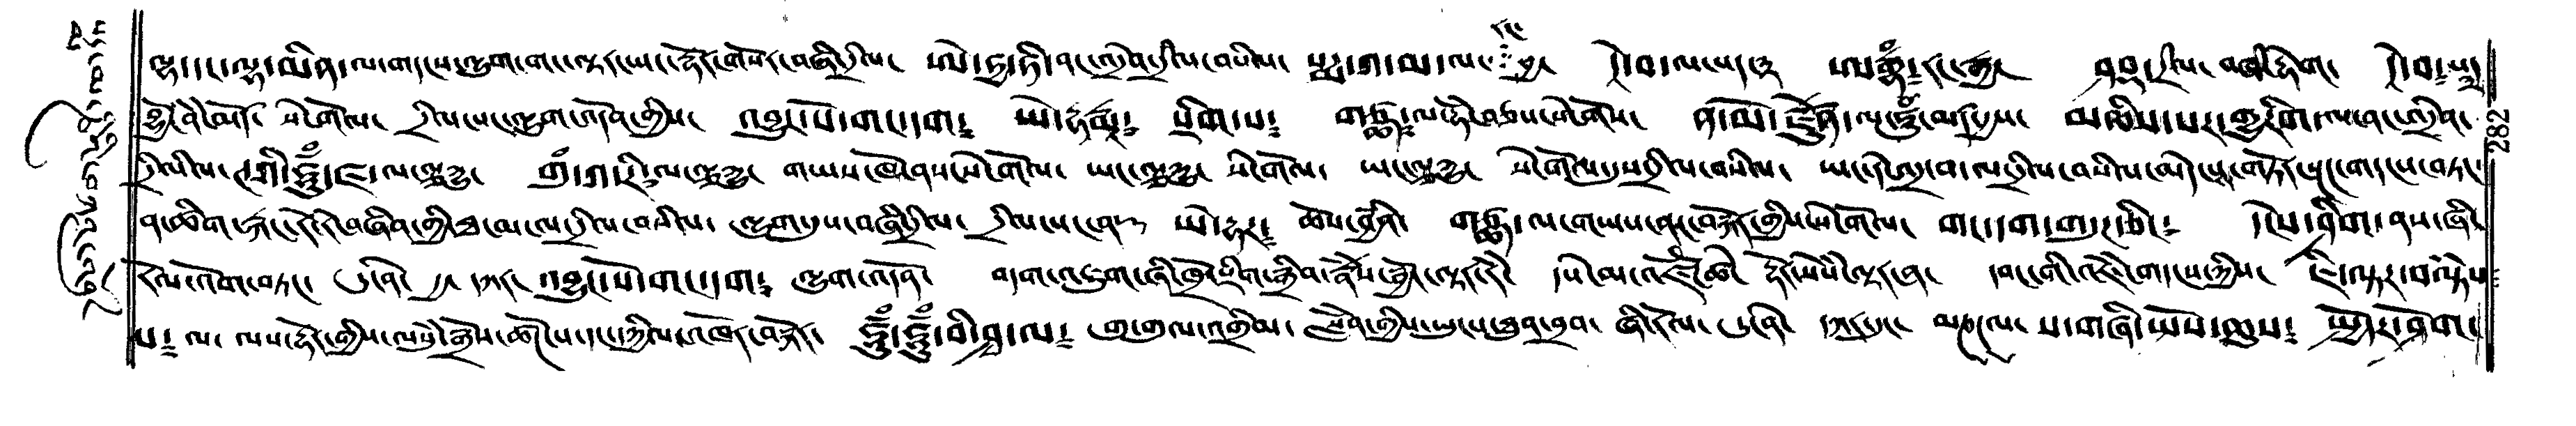ལྷ་དང་ལྷ་མིན་ལ་གདངས་ལྷུག་གང་ལྟར་ཡང་རྡོར་གསོར་བཞི་དྲིལ། ཨེ་ཧྱ་ཧི༴ ནང་འདྲེན་དྲིལ་བསིལ། པདྨ་ཀ་མ༴ ལ་རང་རྒྱ། དཱེ་བ༴ ལ་པད་གསུམ། ཨརྒྷཾ༴ རང་རྒྱ། ཤབྡ༴ དྲིལ། བཞི་རྡོག དཱེ་བ༴ པད་གསུམ། 
བྷྱོ༴ ནམ་མཛོད། སེ་གོལ། དྲིལ་སང་ལྷུག་འདོན་གྱིས། འབྱུང་པོ་གང་དག༴ ཡེ་དྷརྨཱ༴ སྡིག་པ༴ གཙྪ༴ ལ་རྡོ་རྗེ་བཅས་སེ་གོལ། ན་མོ། རྗེ་བཙུན༴ལ་ཧཱུྃ་མཛད་རྒྱས་མཆིས་པར་གྱུར་ཅིག་ལ་ནང་འདྲེན་
དྲིལ་བསིལ། ཊཀྐི་ཧཱུྃྃ་ཛ་ལ་ལྕགས་ཀྱུ། གུཾ་ཀ་རི༴ ལ་ལྕགས་ཀྱུ། གཡས་ཁོ་ནས་སེ་གོལ། ཡང་ལྕགས་ཀྱུ། སེ་གོལ། ཡང་ལྕགས་ཀྱུ། སེ་གོལ་དུས་དྲིལ་བསིལ། ཡང་དེ་འདྲ་བ་ལ་དྲིལ་བསིལ་མེད་པས་གཏོར་སྔགས་གདངས་བཏང་
ན་ཚིག་རྐང་རེ་རེ་བཞིན་གྱི་ཐ་མ་ལ་དྲིལ་བསིལ། ལྷུག་དུས་བཞི་དྲིལ། དྲིལ་སང་ནས་ཡེ་དྷར༴ ཆོས་སྦྱིན། གཙྪ༴ ལ་གཡས་ནང་བསྐོར་གྱིས་སེ་གོལ། གང་དག་གདུག་ཅིང༴ དེངས་ཤིག ནས་ཞི་
རོལ་འོག་གཏང་། དུང་། རྒྱ། དཀར། འབྱུང་པོ་གང་དག༴ ལྷུག་འདོན། བདག་འཇུག་ཞི་ཁྲོ་སྡིག་སྒྲིབ་རྣམ་སྦྱོང་ལྟར་རམ། དཔེ་མ་འཛོམས་ཚེ་རྡོར་སེམས་ལྟར་ན།དབང་གི་འཇམ་གདངས་ཀྱིས། ཇི་ལྟར་བལྟམས་
པ༴ ལ་ལས་རྡོར་གྱིས་ལས་བུམ་སྒྲོས་ཚོགས་པ་དང་དཀྱིལ་འཁོར་བསྐོར། ཧཱུྃ་ཧཱུྃ་བི་ཤྭ་ལ༴ གུ་གུལ་འགྲིམ། སློབ་དཔོན་གྱིས་ཡུངས་ཐུན་བྲབ། ཞི་རོལ། དུང་། དཀར། མཎྜལ། ས་གཞི་སྤོས་ཆུས༴ སྤྱོད་པར་ཤོག